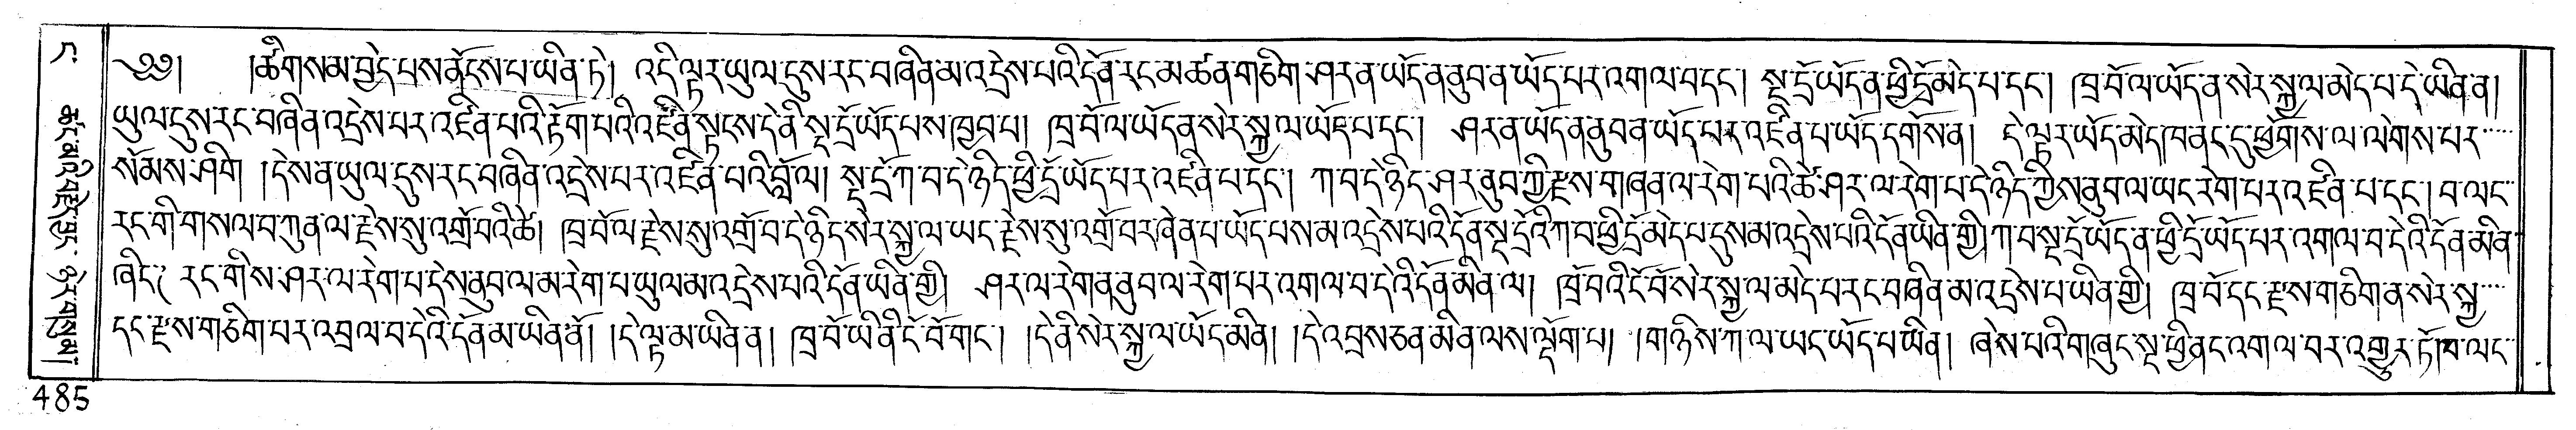༄༅། །ཚིགས་མ་ཕྱེད་པས་ནོངས་པ་ཡིན་ཏེ། འདི་ལྟར་ཡུལ་དུས་རང་བཞིན་མ་འདྲེས་པའི་དོན་རང་མཚན་གཅིག་ཤར་ན་ཡོད་ན་ནུབ་ན་ཡོད་པར་འགལ་བ་དང་། སྔ་དྲེ་ཡོད་ན་ཕྱི་དྲོ་མེད་པ་དང་། ཁྲ་བོ་ལ་ཡོད་ན་སེར་སྐྱ་ལ་མེད་པ་དེ་ཡིན་ན།
ཡུལ་དུས་རང་བཞིན་འདྲེས་པར་འཛིན་པའི་རྟོག་པའི་འཛིན་སྟངས་དེ་ནི་སྔ་དྲོ་ཡོད་པས་ཁྱབ་པ། ཁྲ་བོ་ལ་ཡོད་ན་སེར་སྐྱ་ལ་ཡོད་པ་དང་། ཤར་ན་ཡོད་ན་ནུབ་ན་ཡོད་པར་འཛིན་པ་ཡོད་དགོས་ན། དེ་ལྟར་ཡོད་མེད་ཁ་ནང་དུ་ཕྱོགས་ལ་ལེགས་པར་
སོམས་ཤིག །དེས་ན་ཡུལ་དུས་རང་བཞིན་འདྲེས་པར་འཛིན་པའི་བློ་ལ། སྔ་དྲོ་ཀ་བ་དེ་ཉིད་ཕྱི་དྲོ་ཡོད་པར་འཛིན་པ་དང་། ཀ་བ་དེ་ཉིད་ཤར་ནུབ་ཀྱི་རྫས་གཞན་ལ་རེག་པའི་ཚེ་ཤར་ལ་རེག་པ་དེ་ཉིད་ཀྱིས་ནུབ་ལ་ཡང་རེག་པར་འཛིན་པ་དང་། བ་ལང་
རང་གི་གསལ་བ་ཀུན་ལ་རྗེས་སུ་འགྲོ་བའི་ཚེ། ཁྲ་བོ་ལ་རྗེས་སུ་འགྲོ་བ་དེ་ཉིད་སེར་སྐྱ་ལ་ཡང་རྗེས་སུ་འགྲོ་བར་ཞེན་པ་ཡོད་པས་མ་འདྲེས་པའི་དོན་སྔ་དྲོའི་ཀ་བ་ཕྱི་དྲོ་མེད་པ་དུས་མ་འདྲེས་པའི་དོན་ཡིན་གྱི། ཀ་བ་སྔ་དྲོ་ཡོད་ན་ཕྱི་དྲོ་ཡོད་པར་འགལ་བ་དེའི་དོན་མིན་
ཞིང༑ རང་གིས་ཤར་ལ་རེག་པ་དེས་ནུབ་ལ་མ་རེག་པ་ཡུལ་མ་འདྲེས་པའི་དོན་ཡིན་གྱི། ཤར་ལ་རེག་ན་ནུབ་ལ་རེག་པར་འགལ་བ་དེའི་དོན་མིན་ལ། ཁྲ་བོའི་ངོ་བོ་སེར་སྐྱ་ལ་མེད་པ་རང་བཞིན་མ་འདྲེས་པ་ཡིན་གྱི། ཁྲ་བོ་དང་རྫས་གཅིག་ན་སེར་སྐྱ་
དང་རྫས་གཅིག་པར་འགལ་བ་དེའི་དོན་མ་ཡིན་ནོ། །དེ་ལྟ་མ་ཡིན་ན། ཁྲ་བོ་ཡི་ནི་ངོ་བོ་གང་། །དེ་ནི་སེར་སྐྱ་ལ་ཡོད་མིན། །དེ་འབྲས་ཅན་མིན་ལས་ལྡོག་པ། །གཉིས་ཀ་ལ་ཡང་ཡོད་པ་ཡིན། ཞེས་པའི་གཞུང་སྔ་ཕྱི་ནང་འགལ་བར་འགྱུར་ཏོ། བ་ལང་